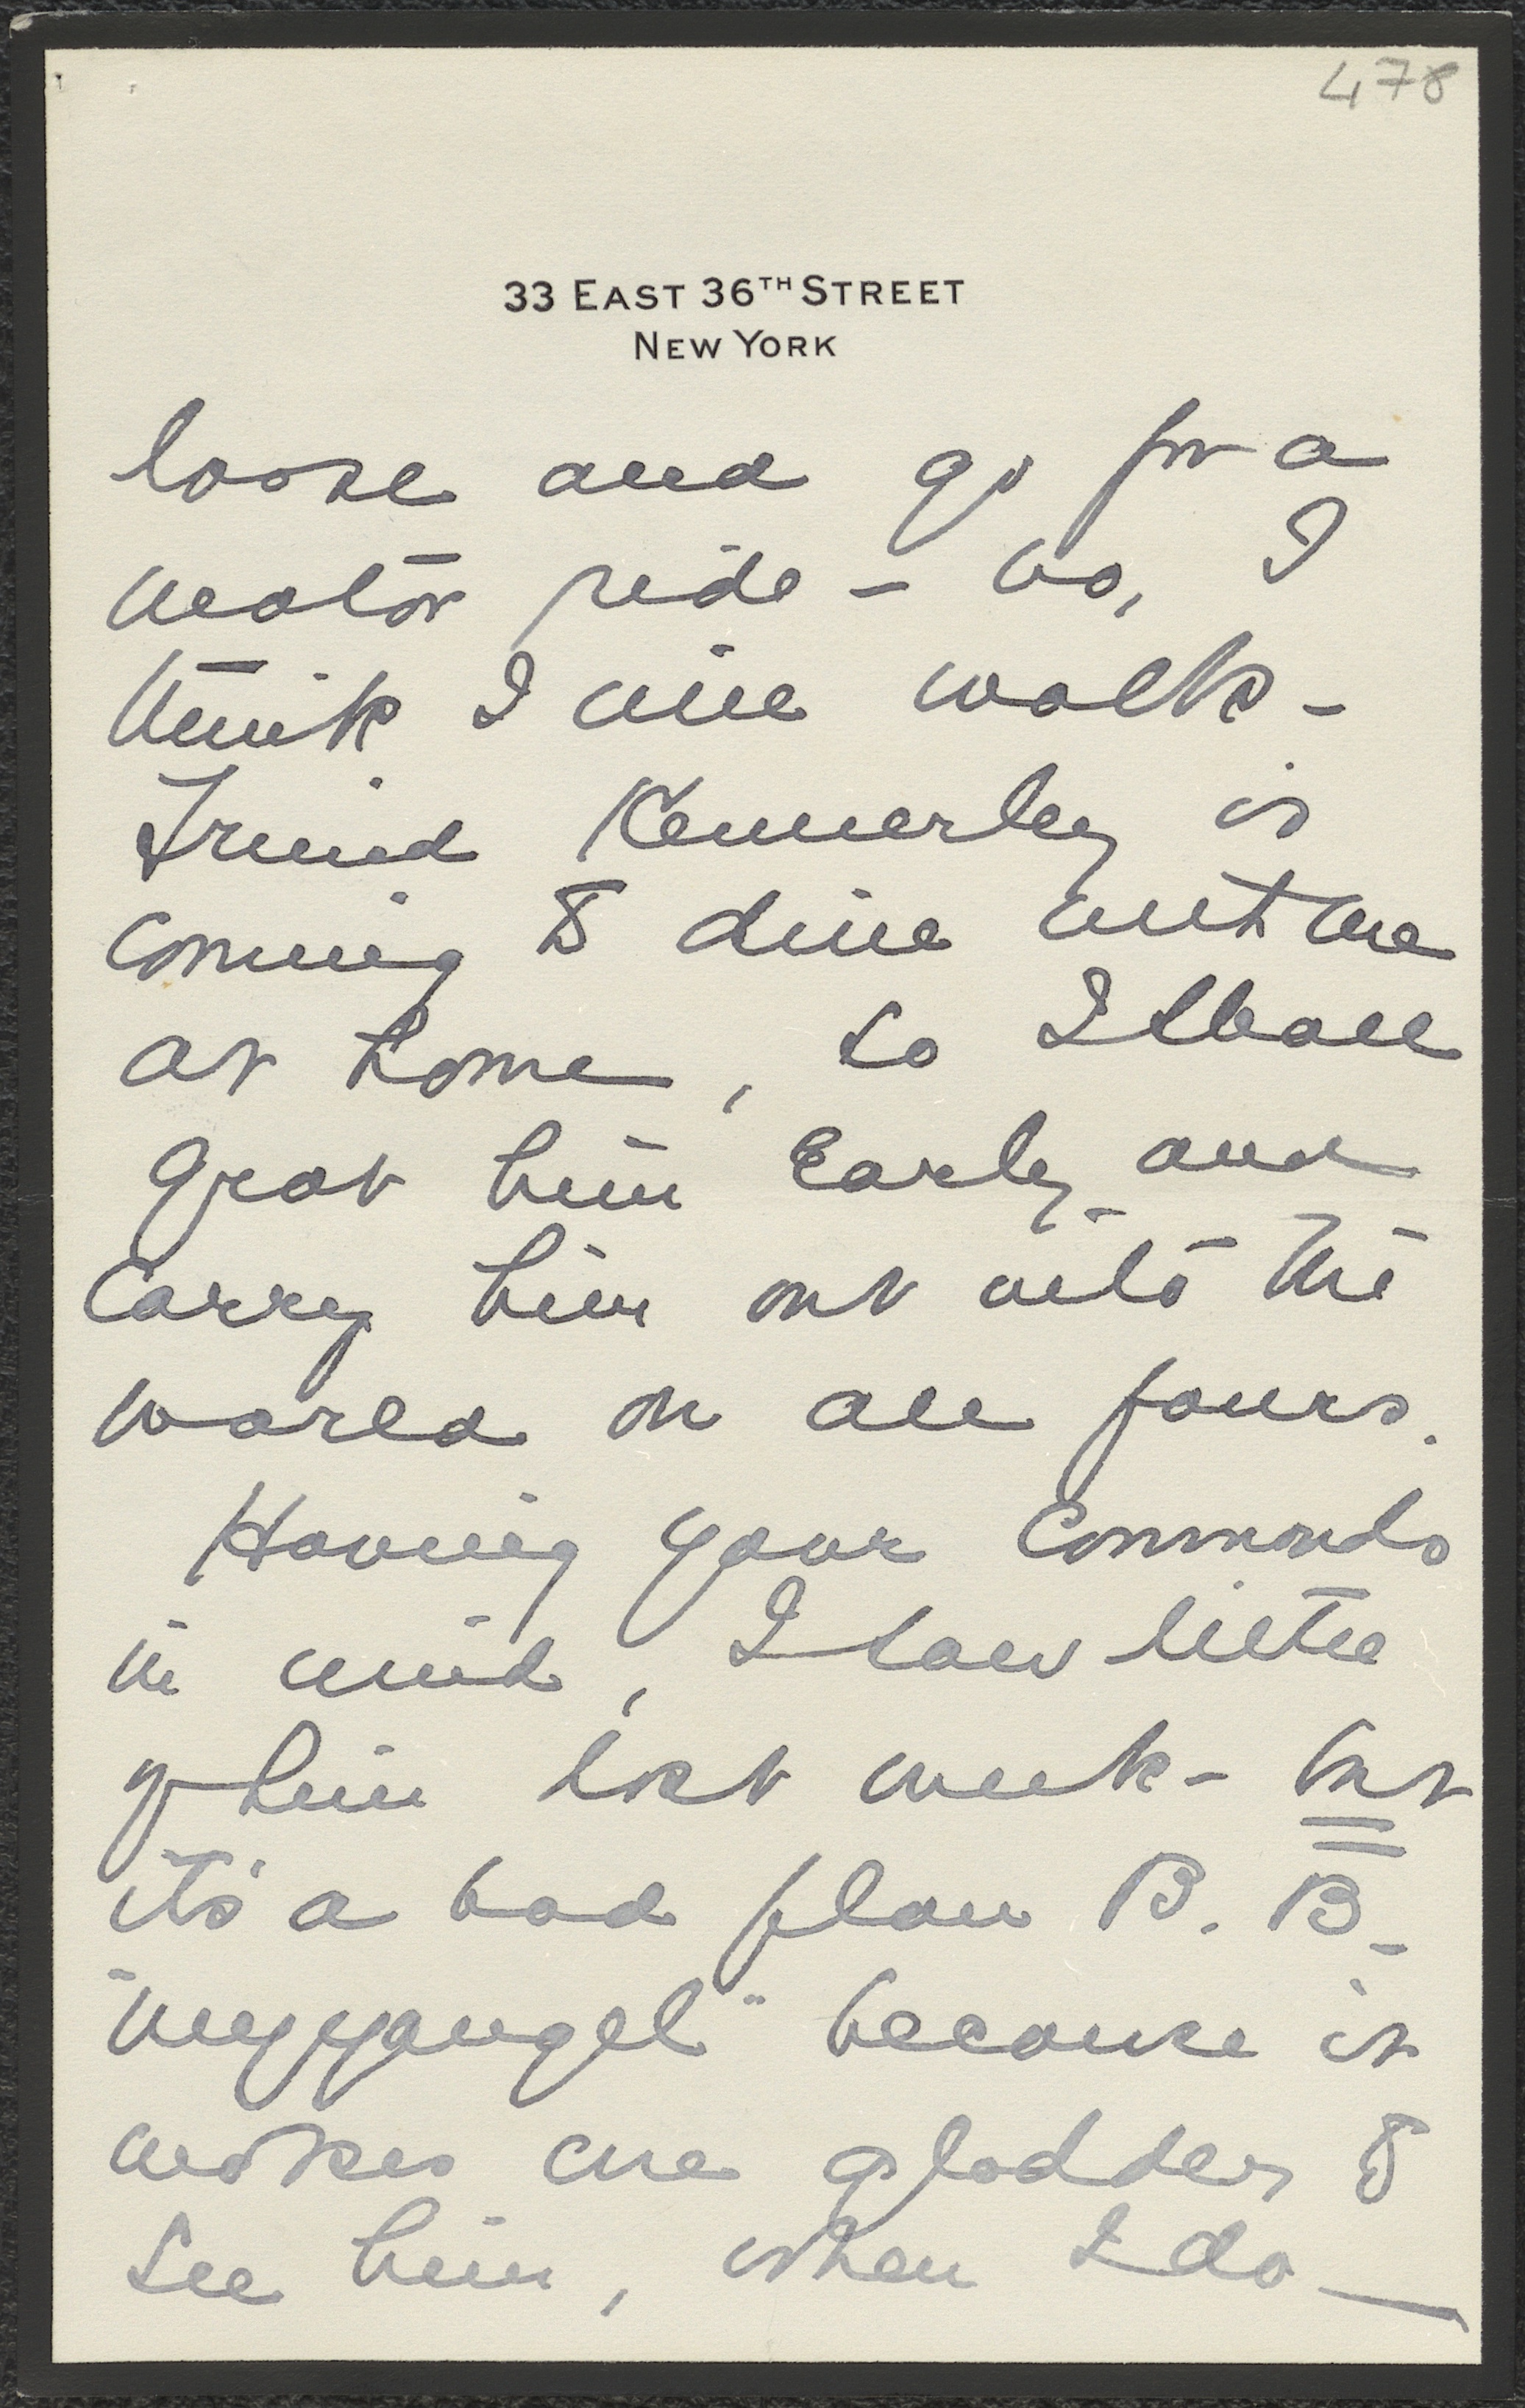loose and go for a motor ride – no, I think I will walk – Friend Kennerley is coming to dine with me at home, so I shall grab him early and carry him out into the world on all fours. Having your commands in mind, I saw little of him last week – [double underlined: but] it’s a bad plan B.B – “myyangel” because it makes me gladder to see him, when I do –